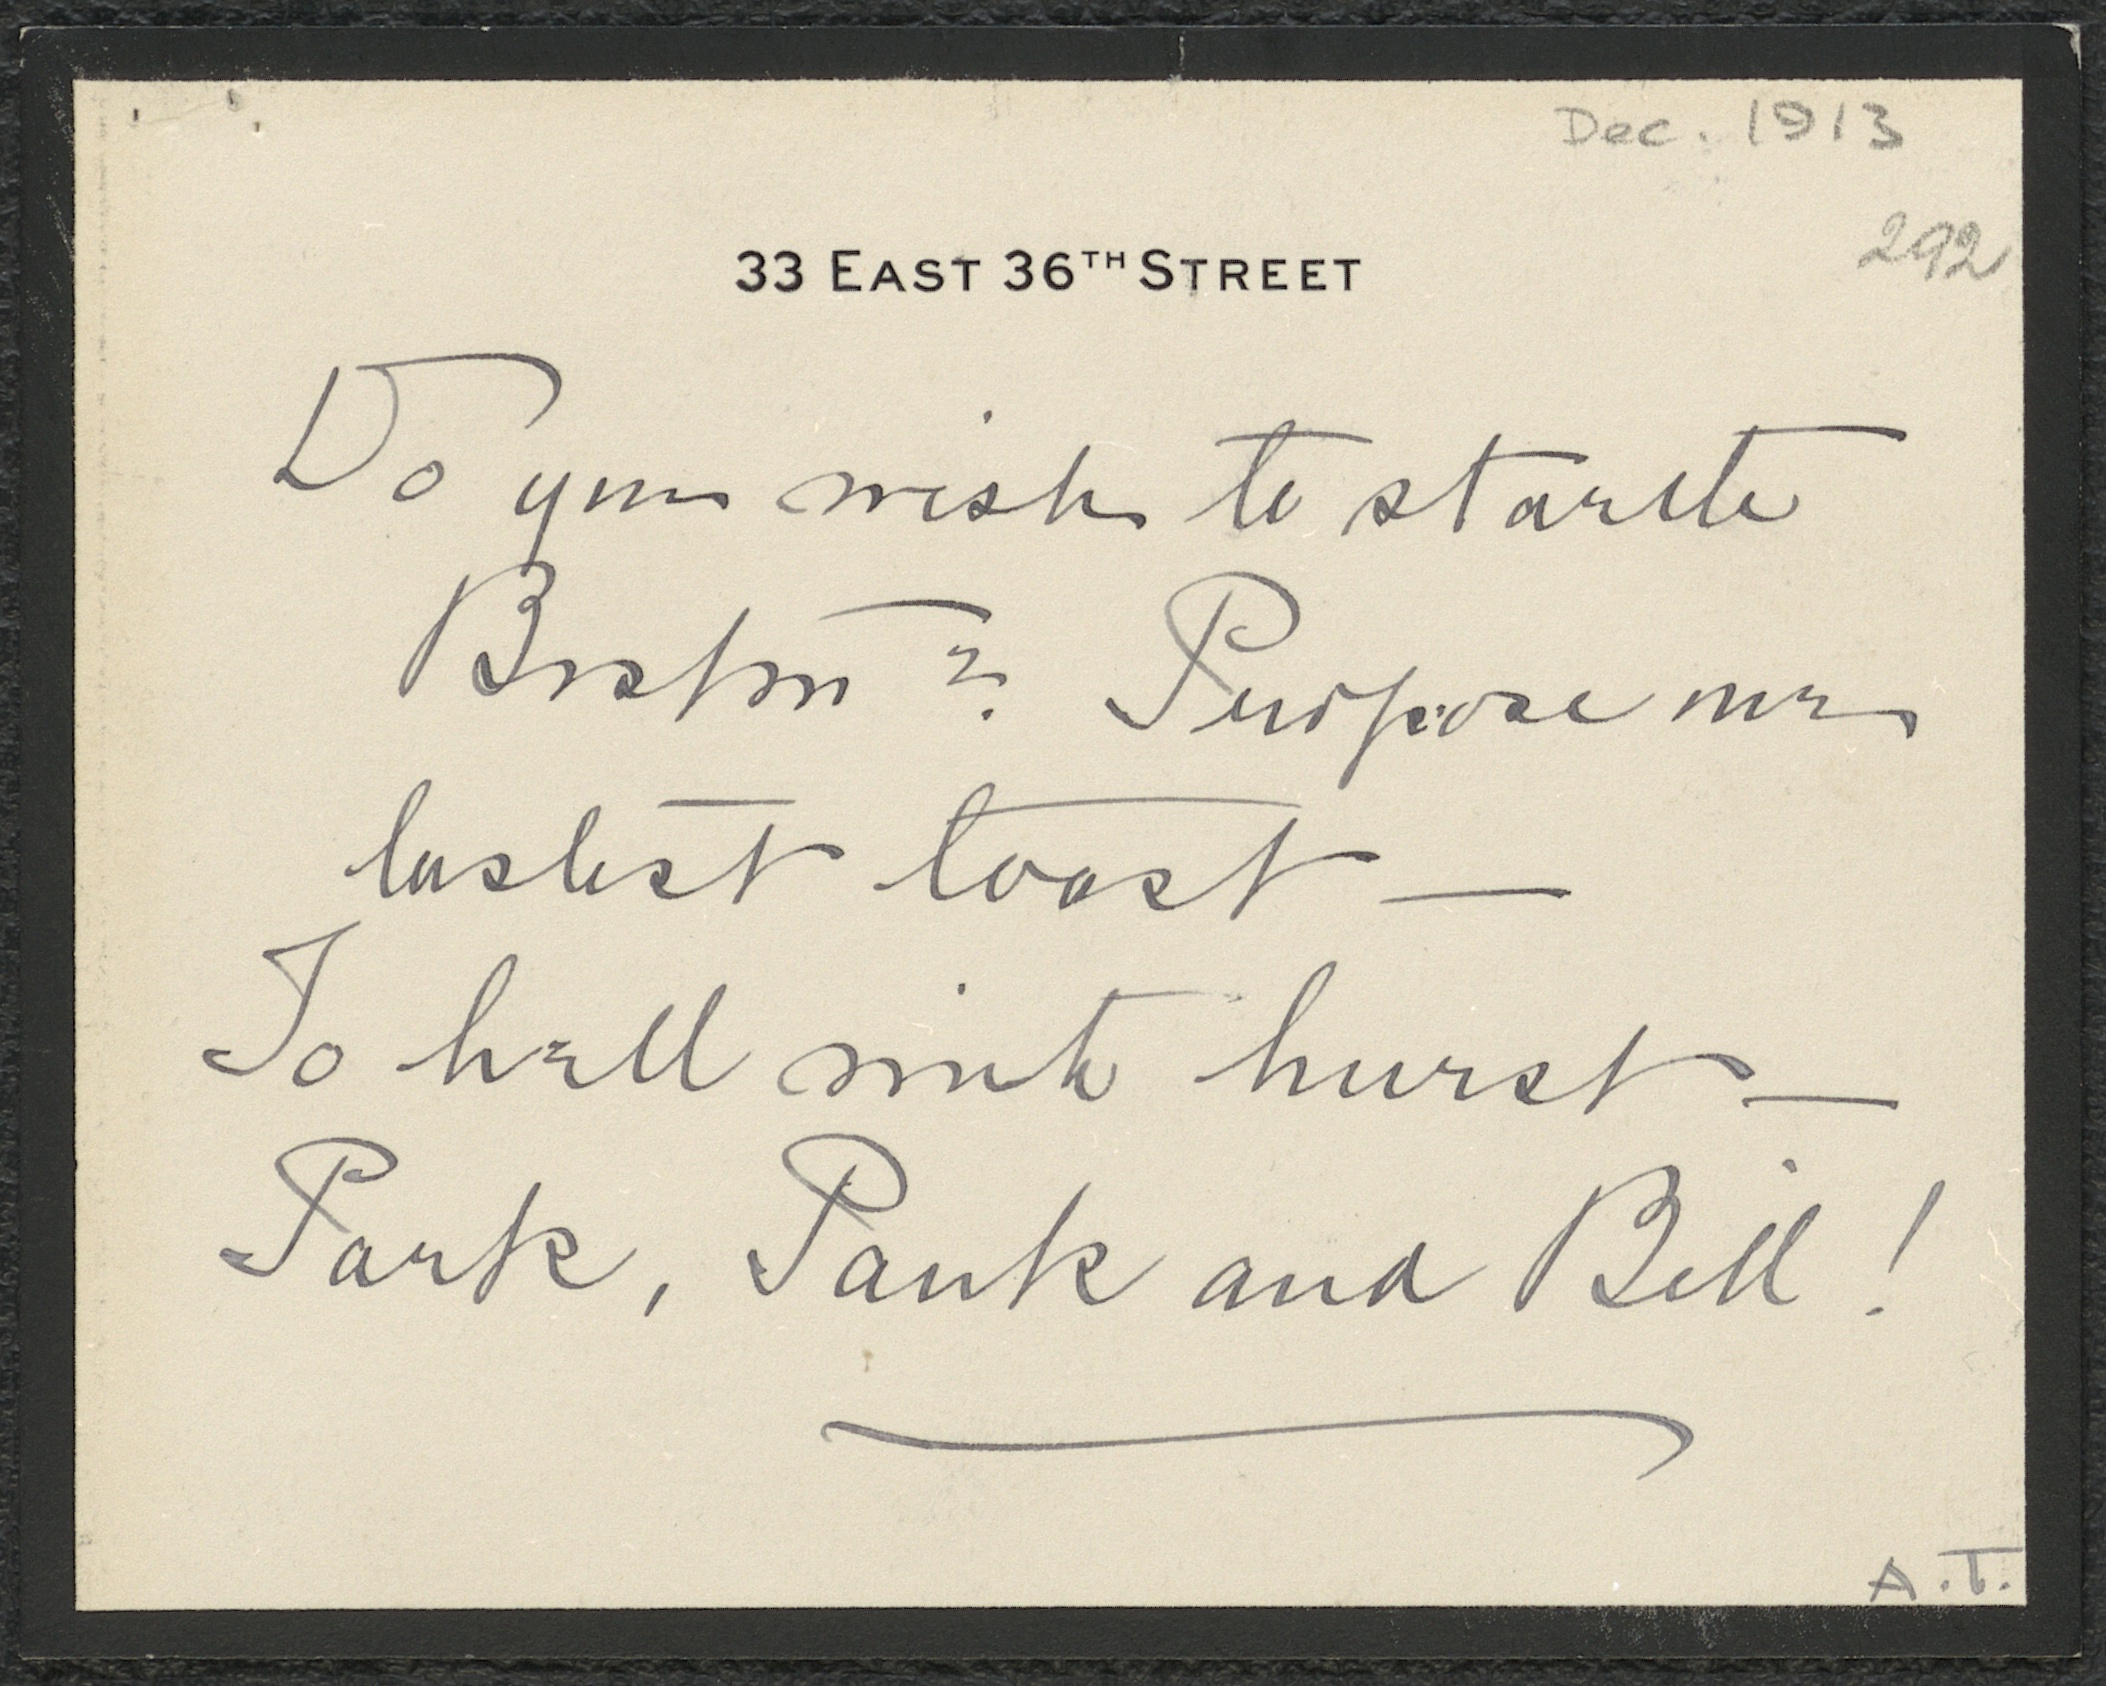Do you wish to startle
Boston? Purpose our
Lustiest toast –
To hell with hurst –
Park, Pank and Bill!
A.T.